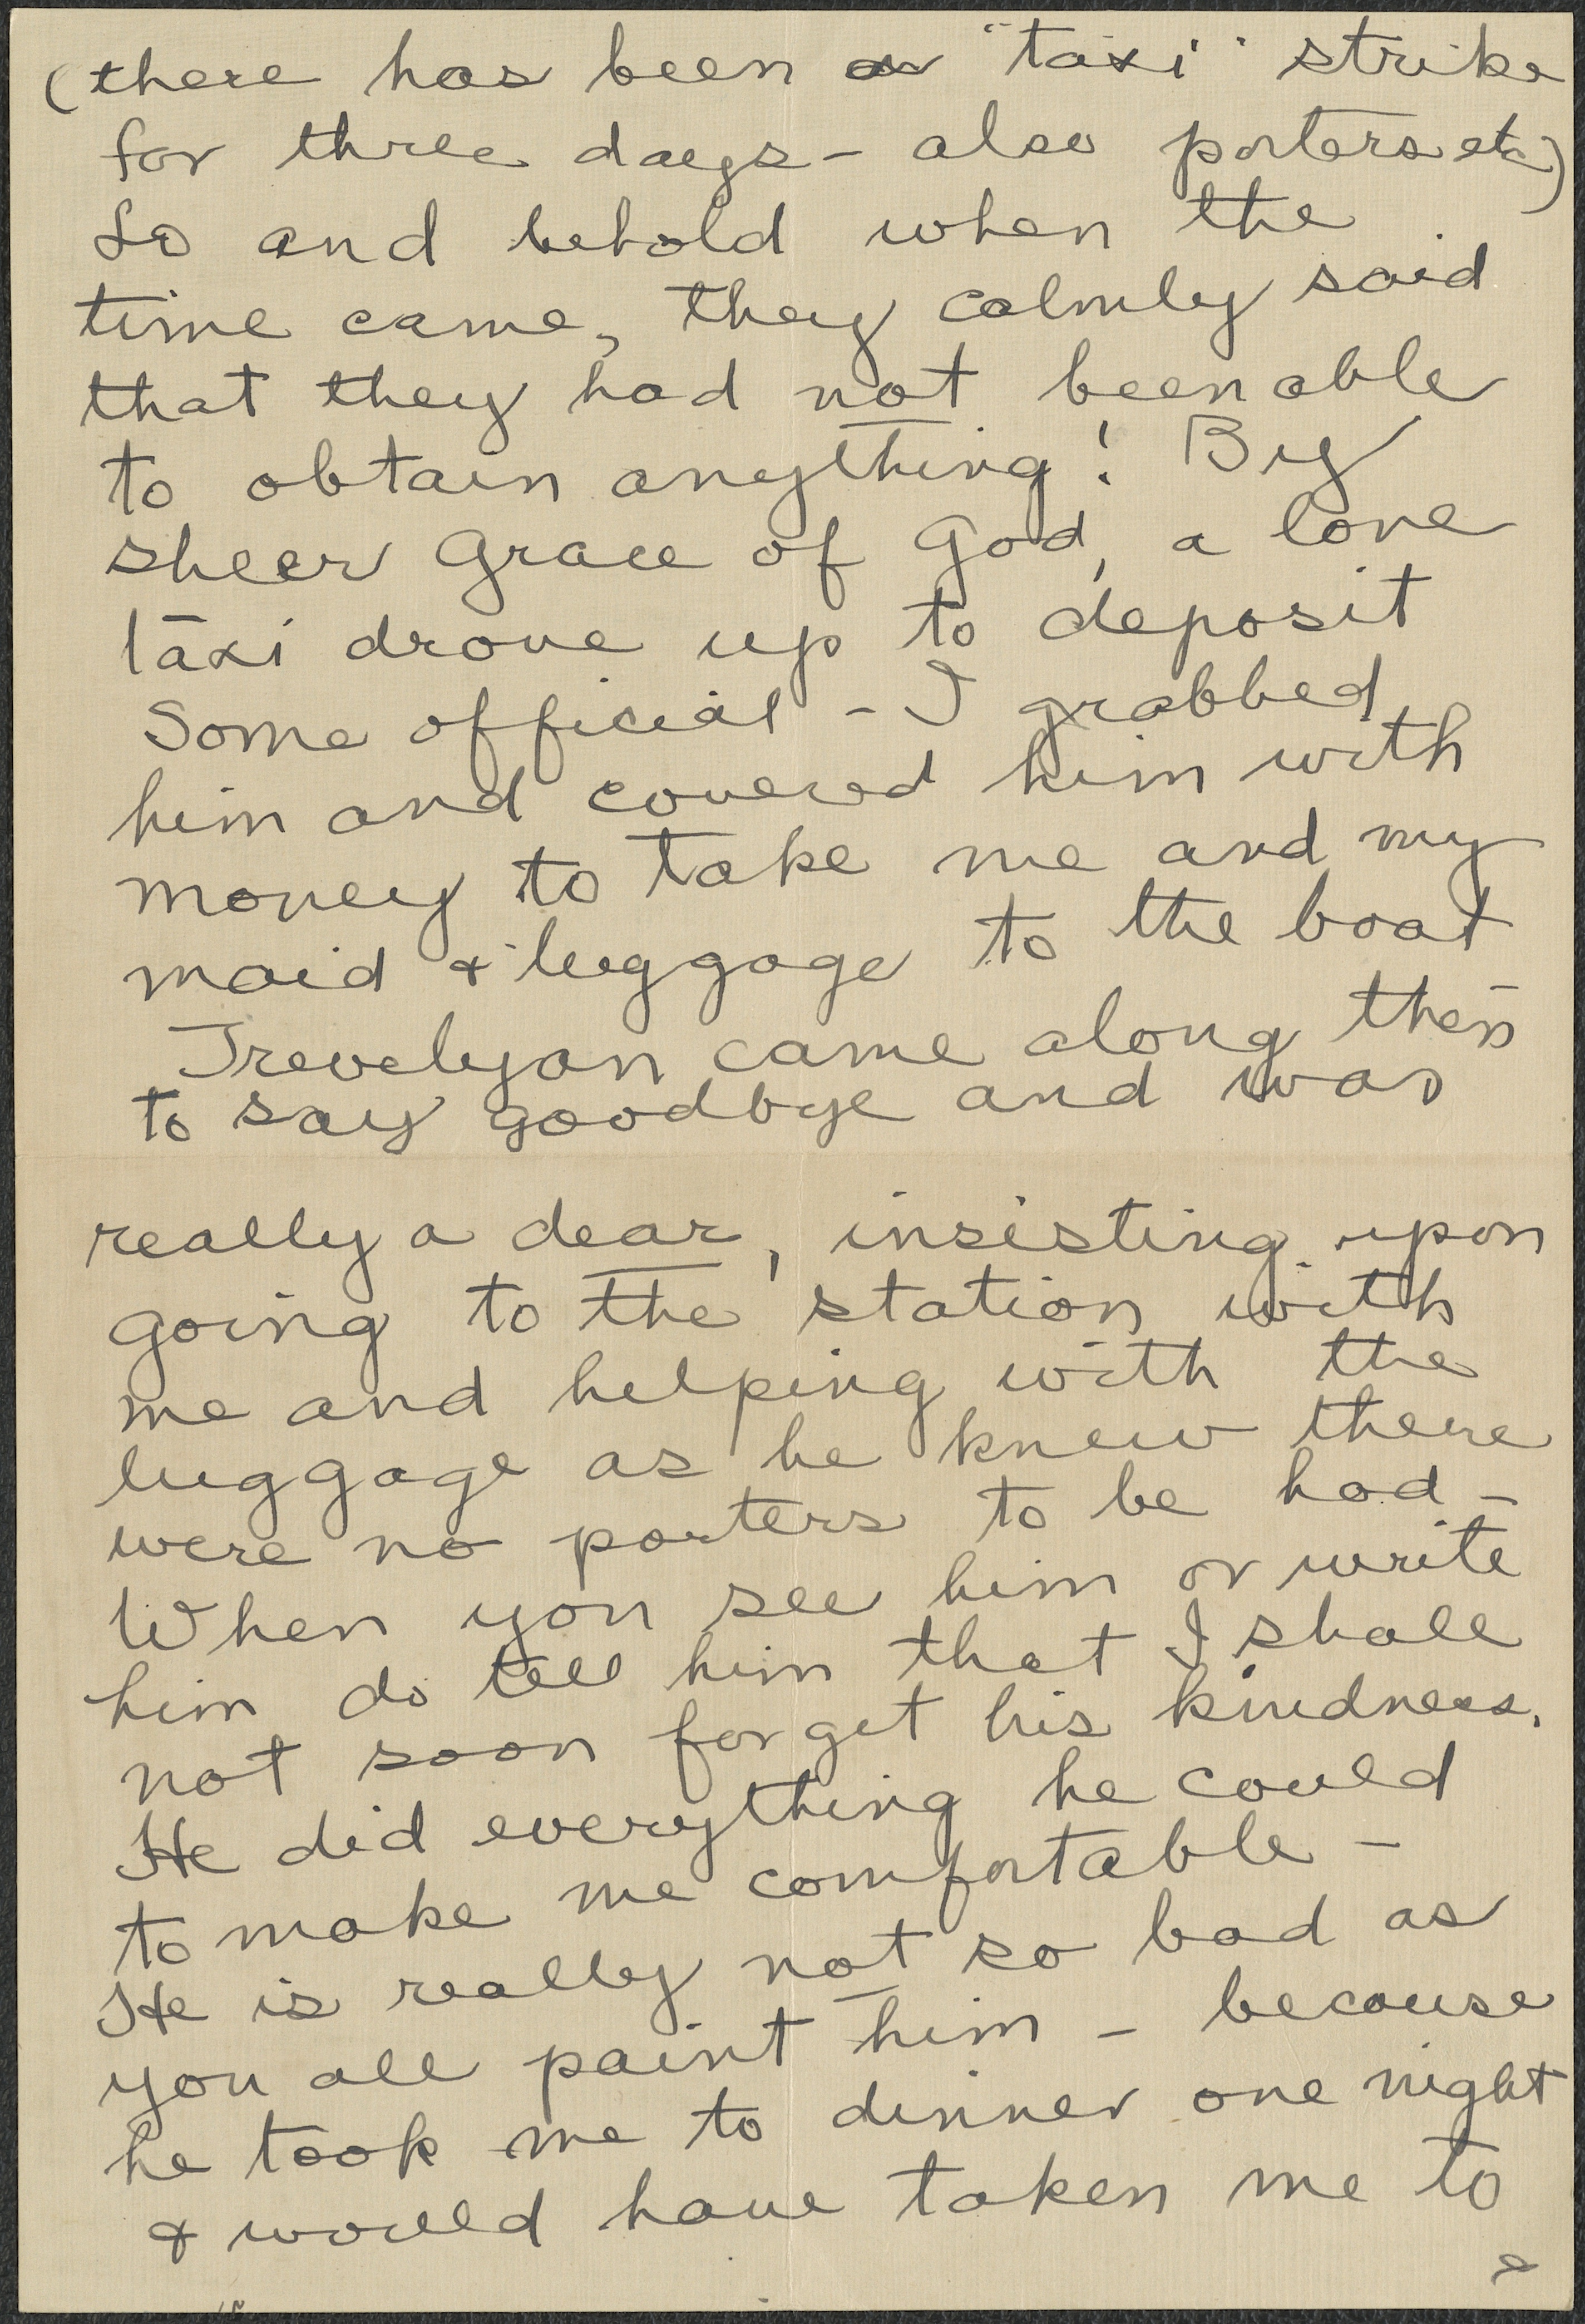(there has been a ‘taxi’ strike for three days – also porters, etc)
Lo and behold when the time came, they calmly said that they had not been able to obtain anything! By sheer grace of God, a lone taxi drove up to deposit some official – I grabbed him and covered him with money to take me and my maid & luggage to the boat
Trevelyan came along then to say goodbye and was really a dear, insisting upon going to the station with me and helping with the luggage as he knew there were no porters to be had – When you see him or write him do tell him that I shall not soon forget his kindness. He did everything he could to make me comfortable – He is really not so bad as you all paint him – because he took me to dinner one night and would have taken me to